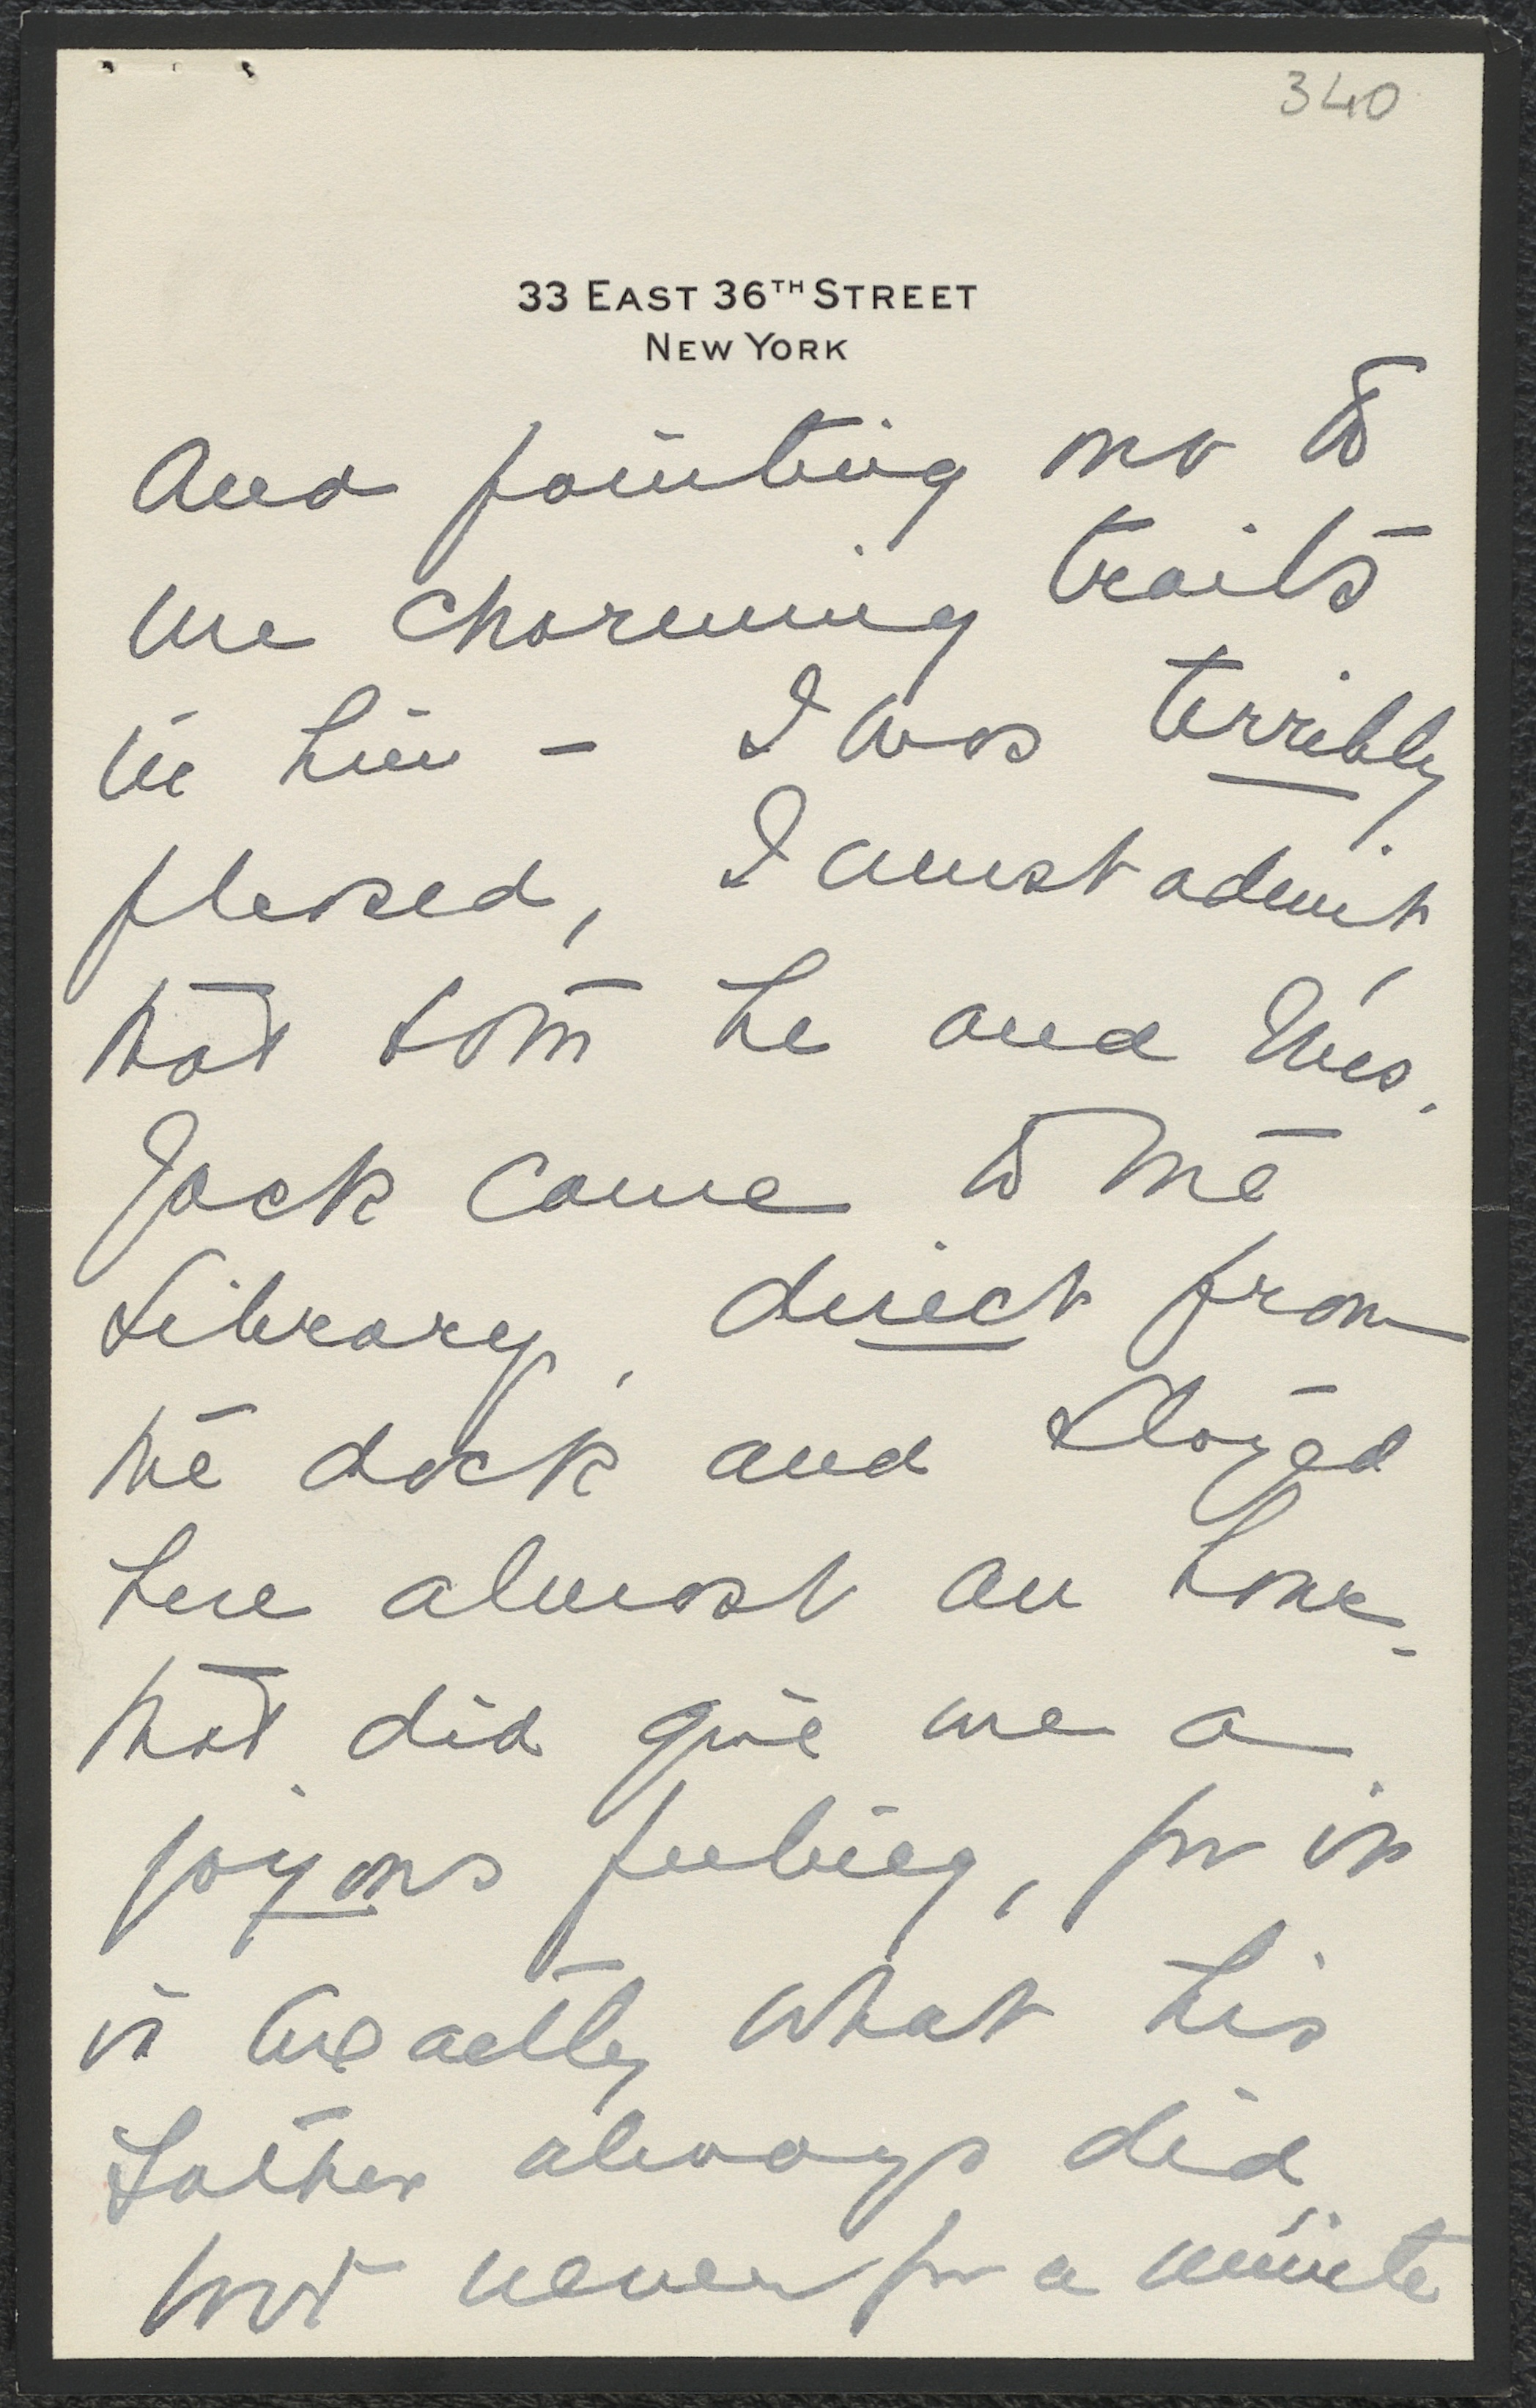and pointing out to me charming traits in him – I was terribly pleased, I must admit, that both he and Mrs. Jack came to the Library, direct from the dock and stayed here almost an hour, that did give me a joyous feeling, for it is exactly what his Father always did, but never for a minute